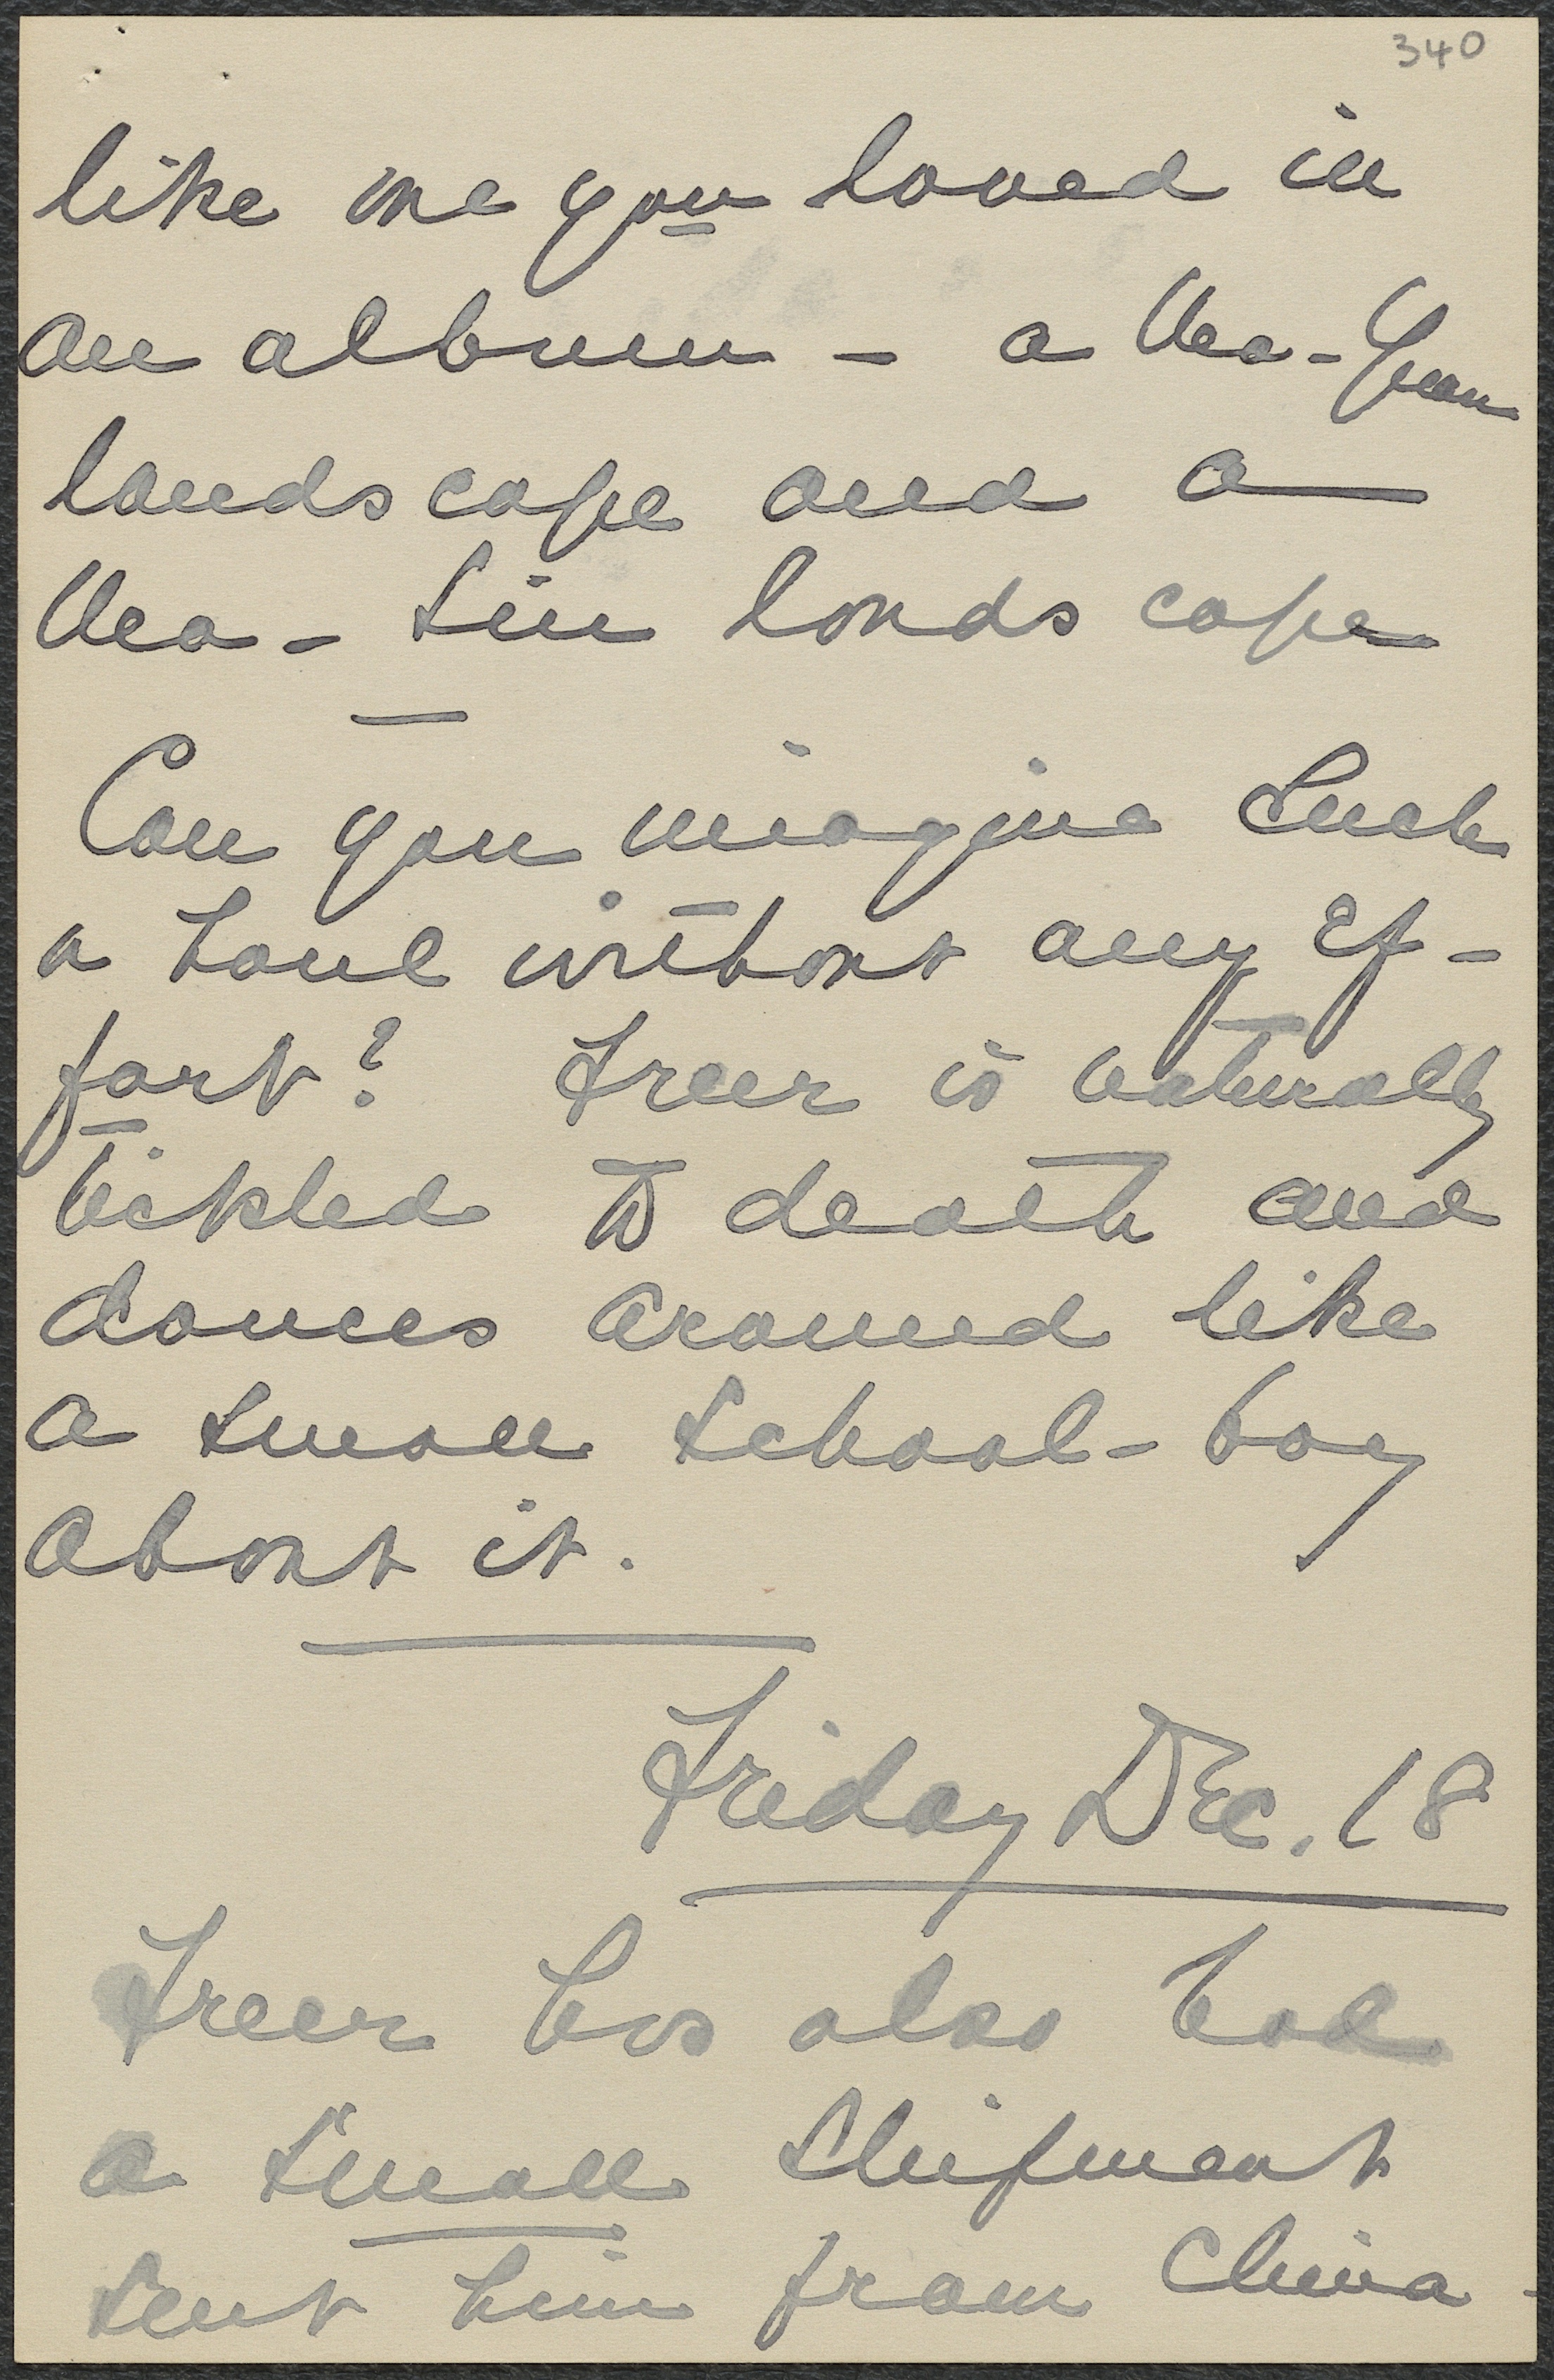like one you loved in an album – a Ma-Yuan landscape and a Ma-Lin landscape
Can you imagine such a haul without any effort? Freer is naturally tickled to death and dances around like a small school-boy about it.
Friday Dec. 18
Freer has also had a small shipment sent him from China –